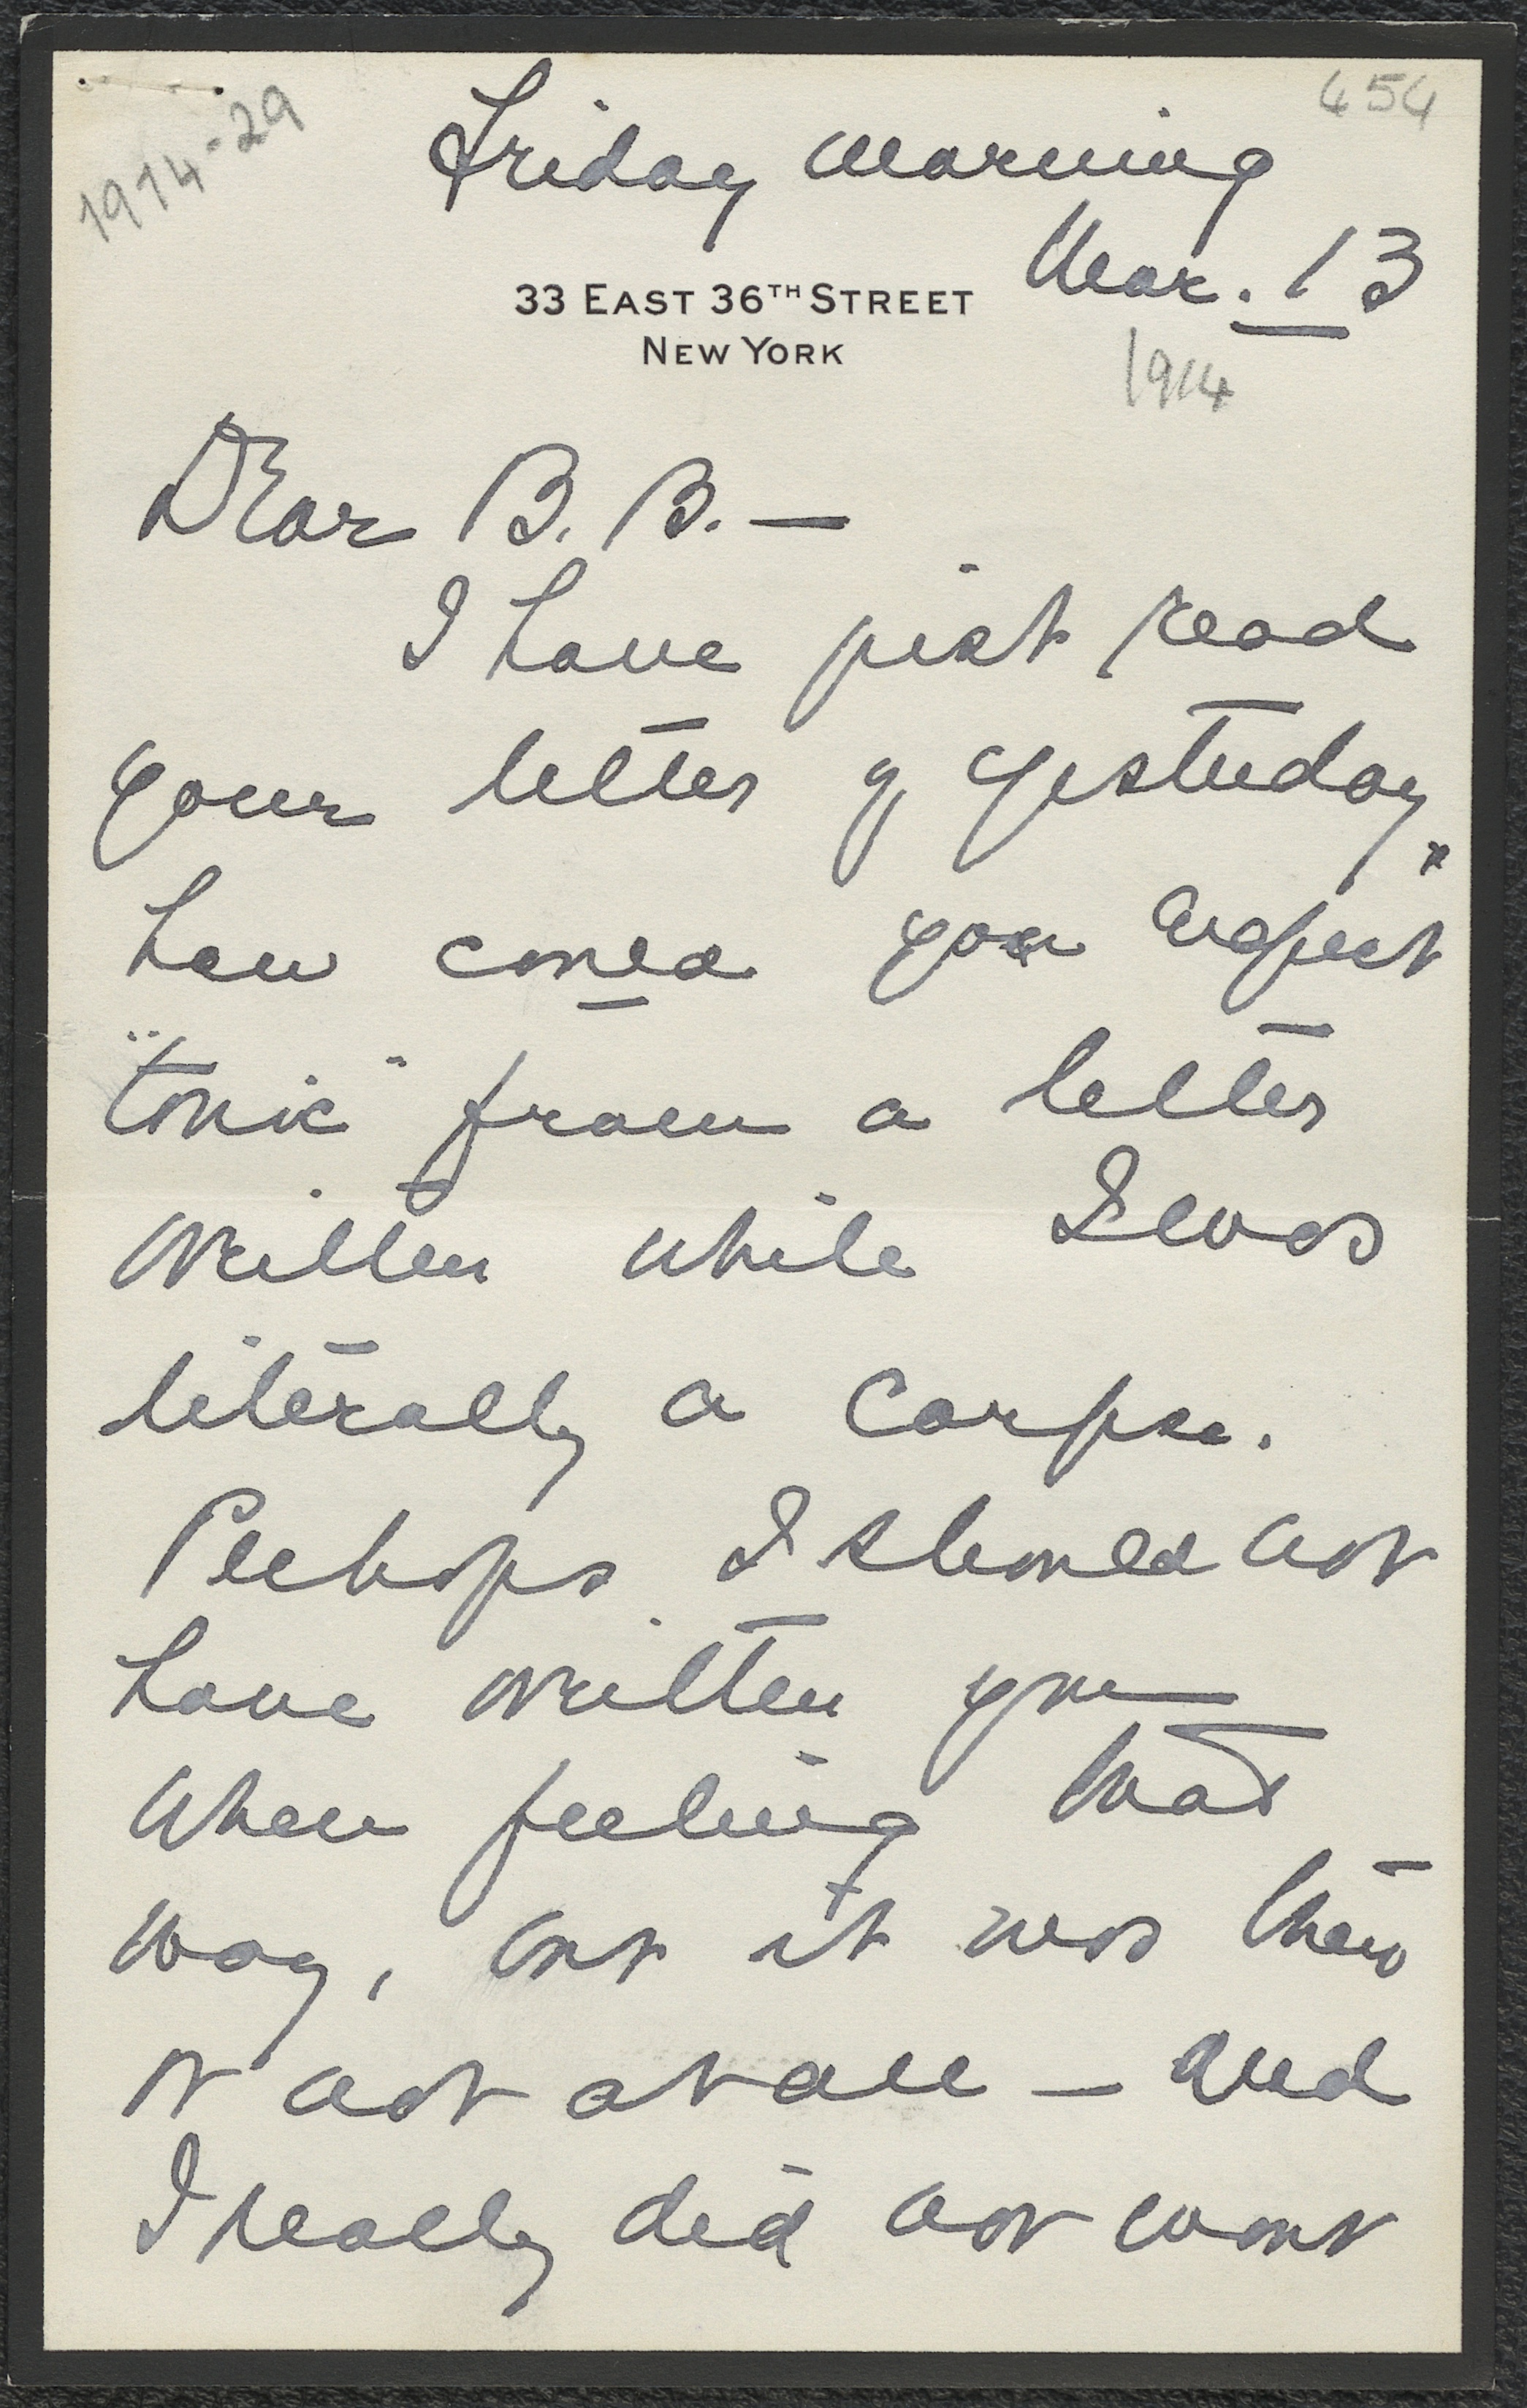Friday morning
Mar. 13
Dear B.B. –
I have just read your letter of yesterday, how could you expect “tonic” from a letter written while I was literally a corpse.
Perhaps I should not have written you when feeling that way, but it was then or not at all – and I really did not want